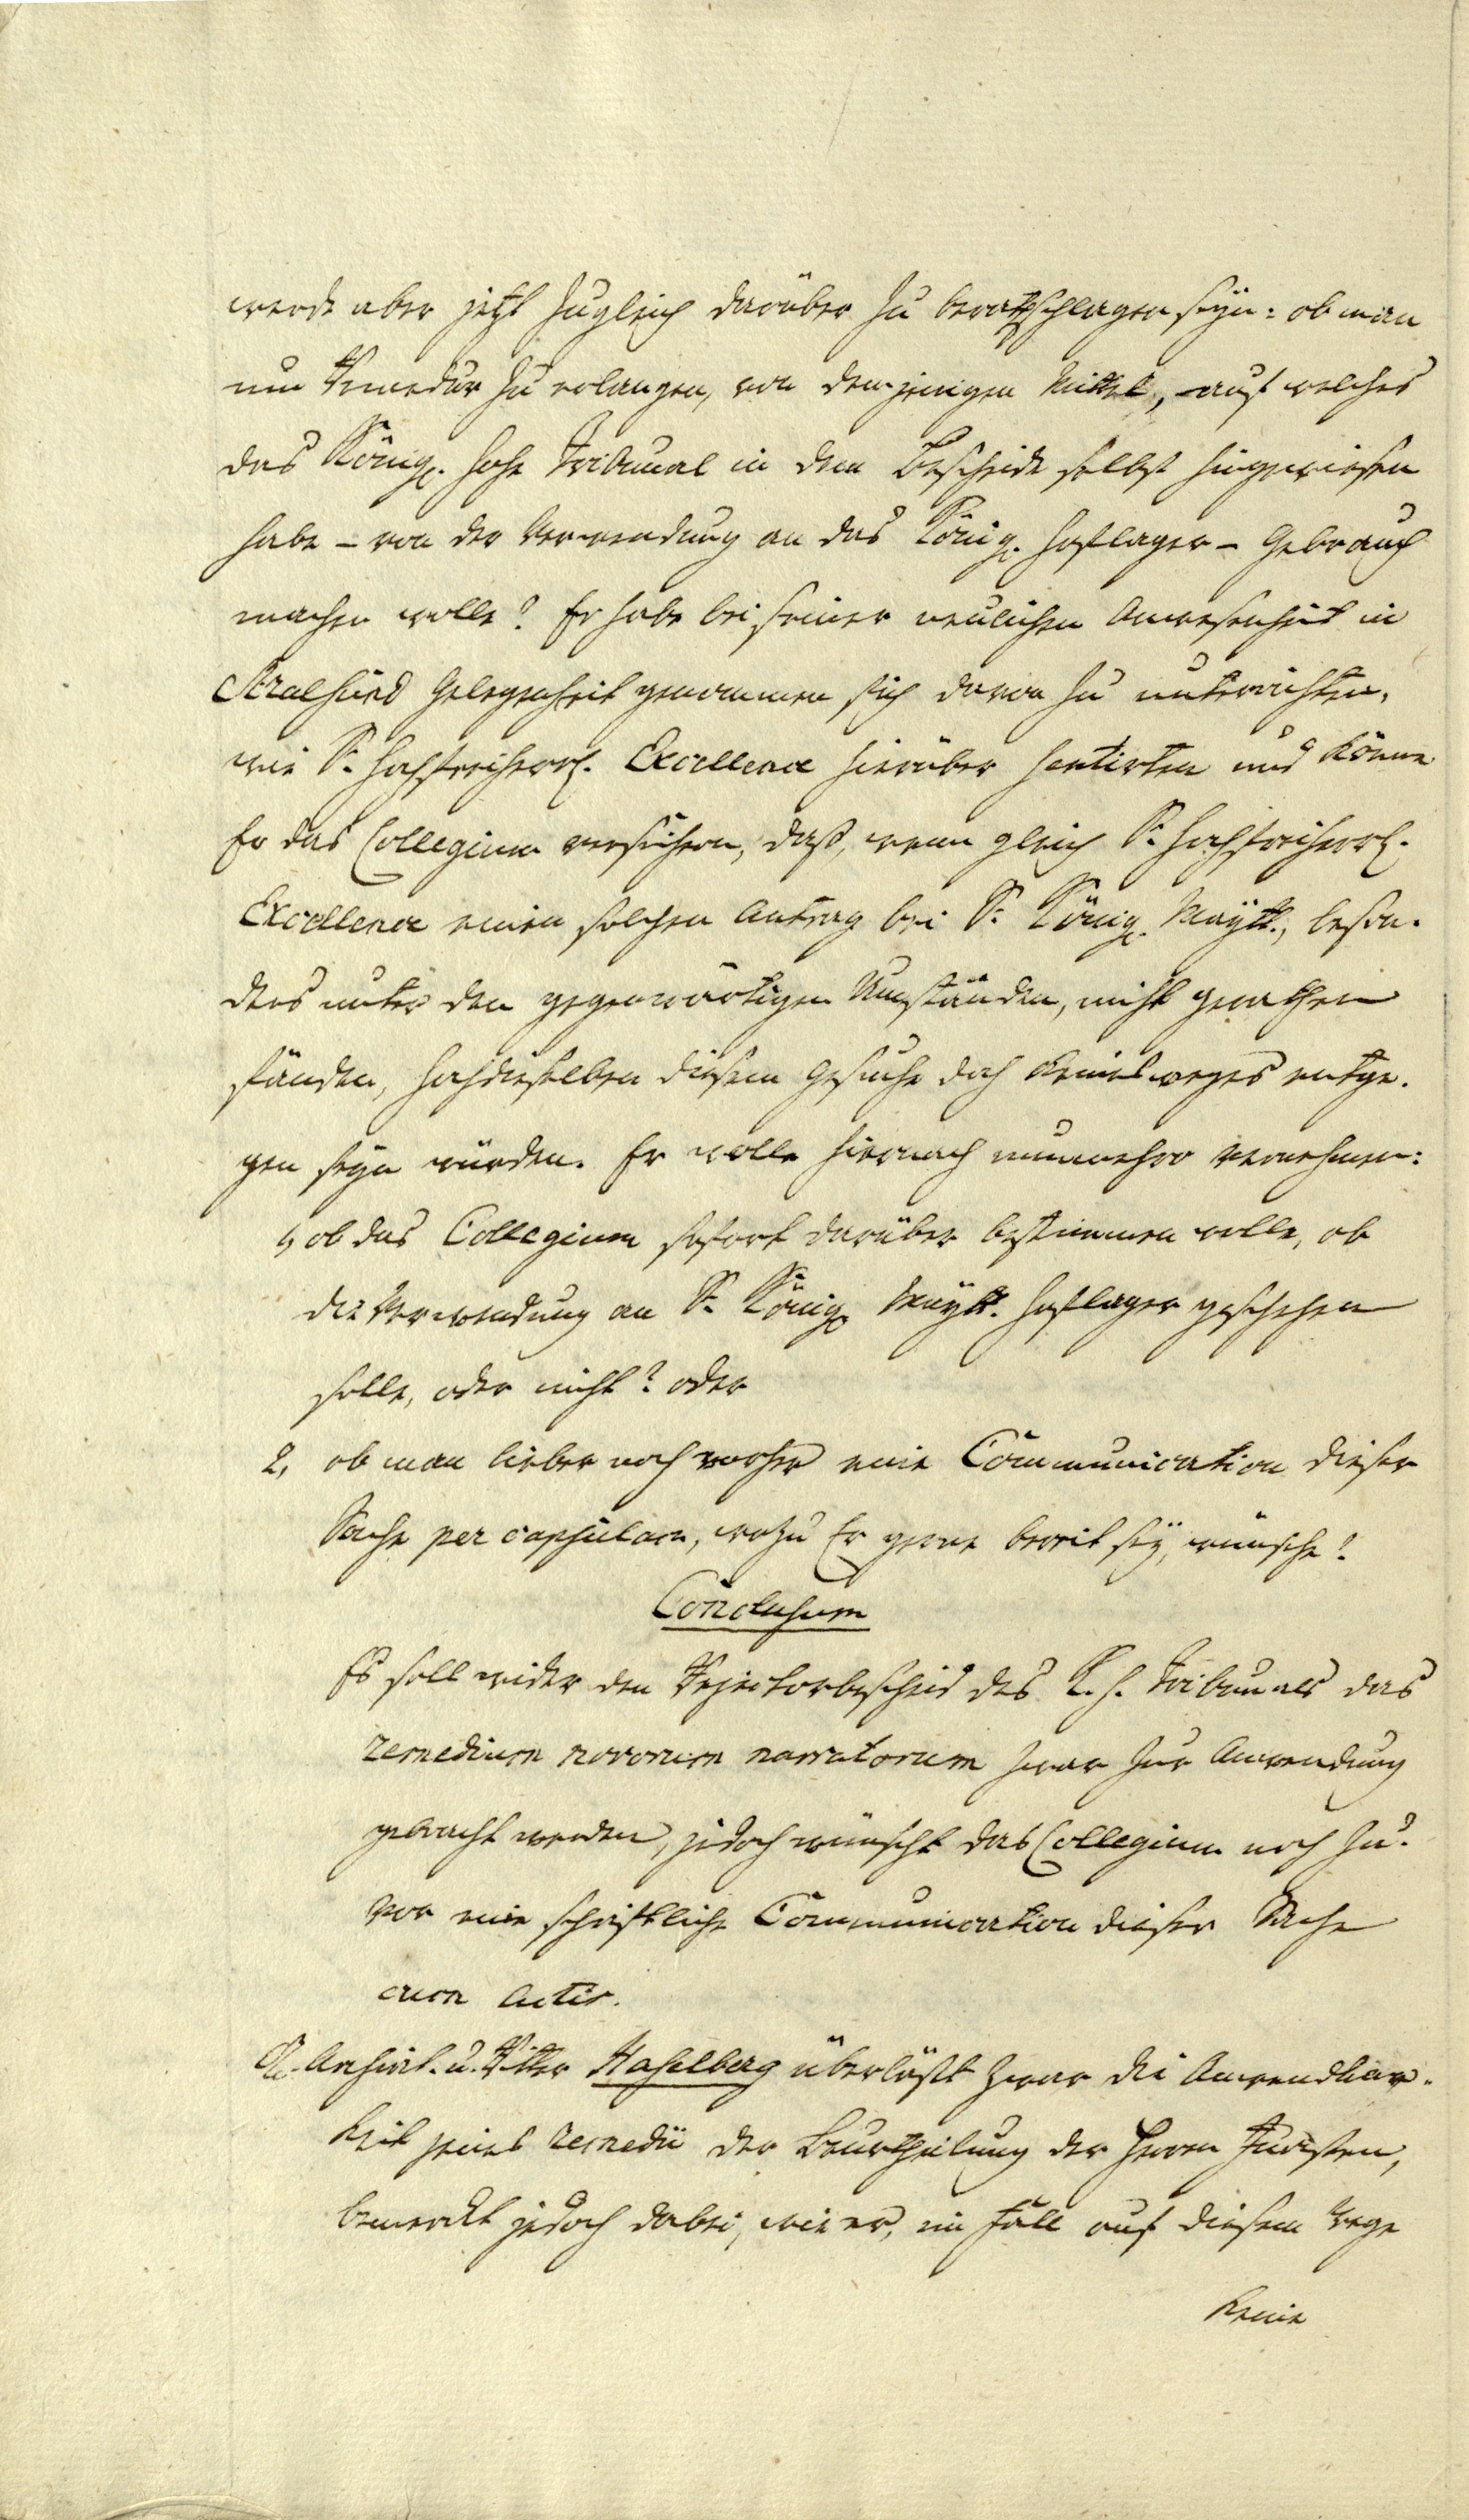werde aber jetzt zugleich darüber zu berathschlagen seÿn: ob man
um Remedur zu erlangen, von demjenigen Mittel, auf welches
das Köngil. hohe Tribunal in dem Bescheide selbst hingewiesen
habe - von der Verwendung an das Königl. hoflager - Gebrauch
machen wolle? Er habe bei seiner neulichen Anwesenheit in
Stralsund Gelegenheit genommen sich davon zu unterrichten,
wie Sr. hochfreiherrl. Excellence hierüber sentirten und könne
Er das Collegium versichern, daß wenn gleich Sr. hochfreiherrl.
Excellence einen solchen Antrag bei Sr. Königl. Maÿtt. beson¬
ders unter den gegenwärtigen Umständen, nicht gerathen
fänden, hochdieselben diesem Gesuche doch keinesweges entge¬
gen seÿn würden. Er wolle hiernach nunmehro vernehmen:
1, ob das Collegium sofort darüber bestimmen wolle, ob
die Verwendung an Sr. Königl. Maÿtt. hoflager geschehen
solle, oder nicht? oder
2, ob man lieber noch vorher eine Communication dieser
Sache per capsulam, wozu Er gerne bereit seÿ, wünsche?
Conclusum
Es soll wider den Rejectorbescheid des K. h. Tribunals das
remedium novorum narratorum zwar zur Anwendung
gebracht werden, jedoch wünscht das Collegium noch zu¬
vor eine schriftliche Communication dieser Sache
cum Actis.
dh. Archiat. u. Ritter Haselberg überläßt zwar die Anwendbar¬
keit jenes remedii der Beurtheilung der Herren Juristen,
bemerckt jedoch dabei, wie er, im Fall auf diesem Wege
keine